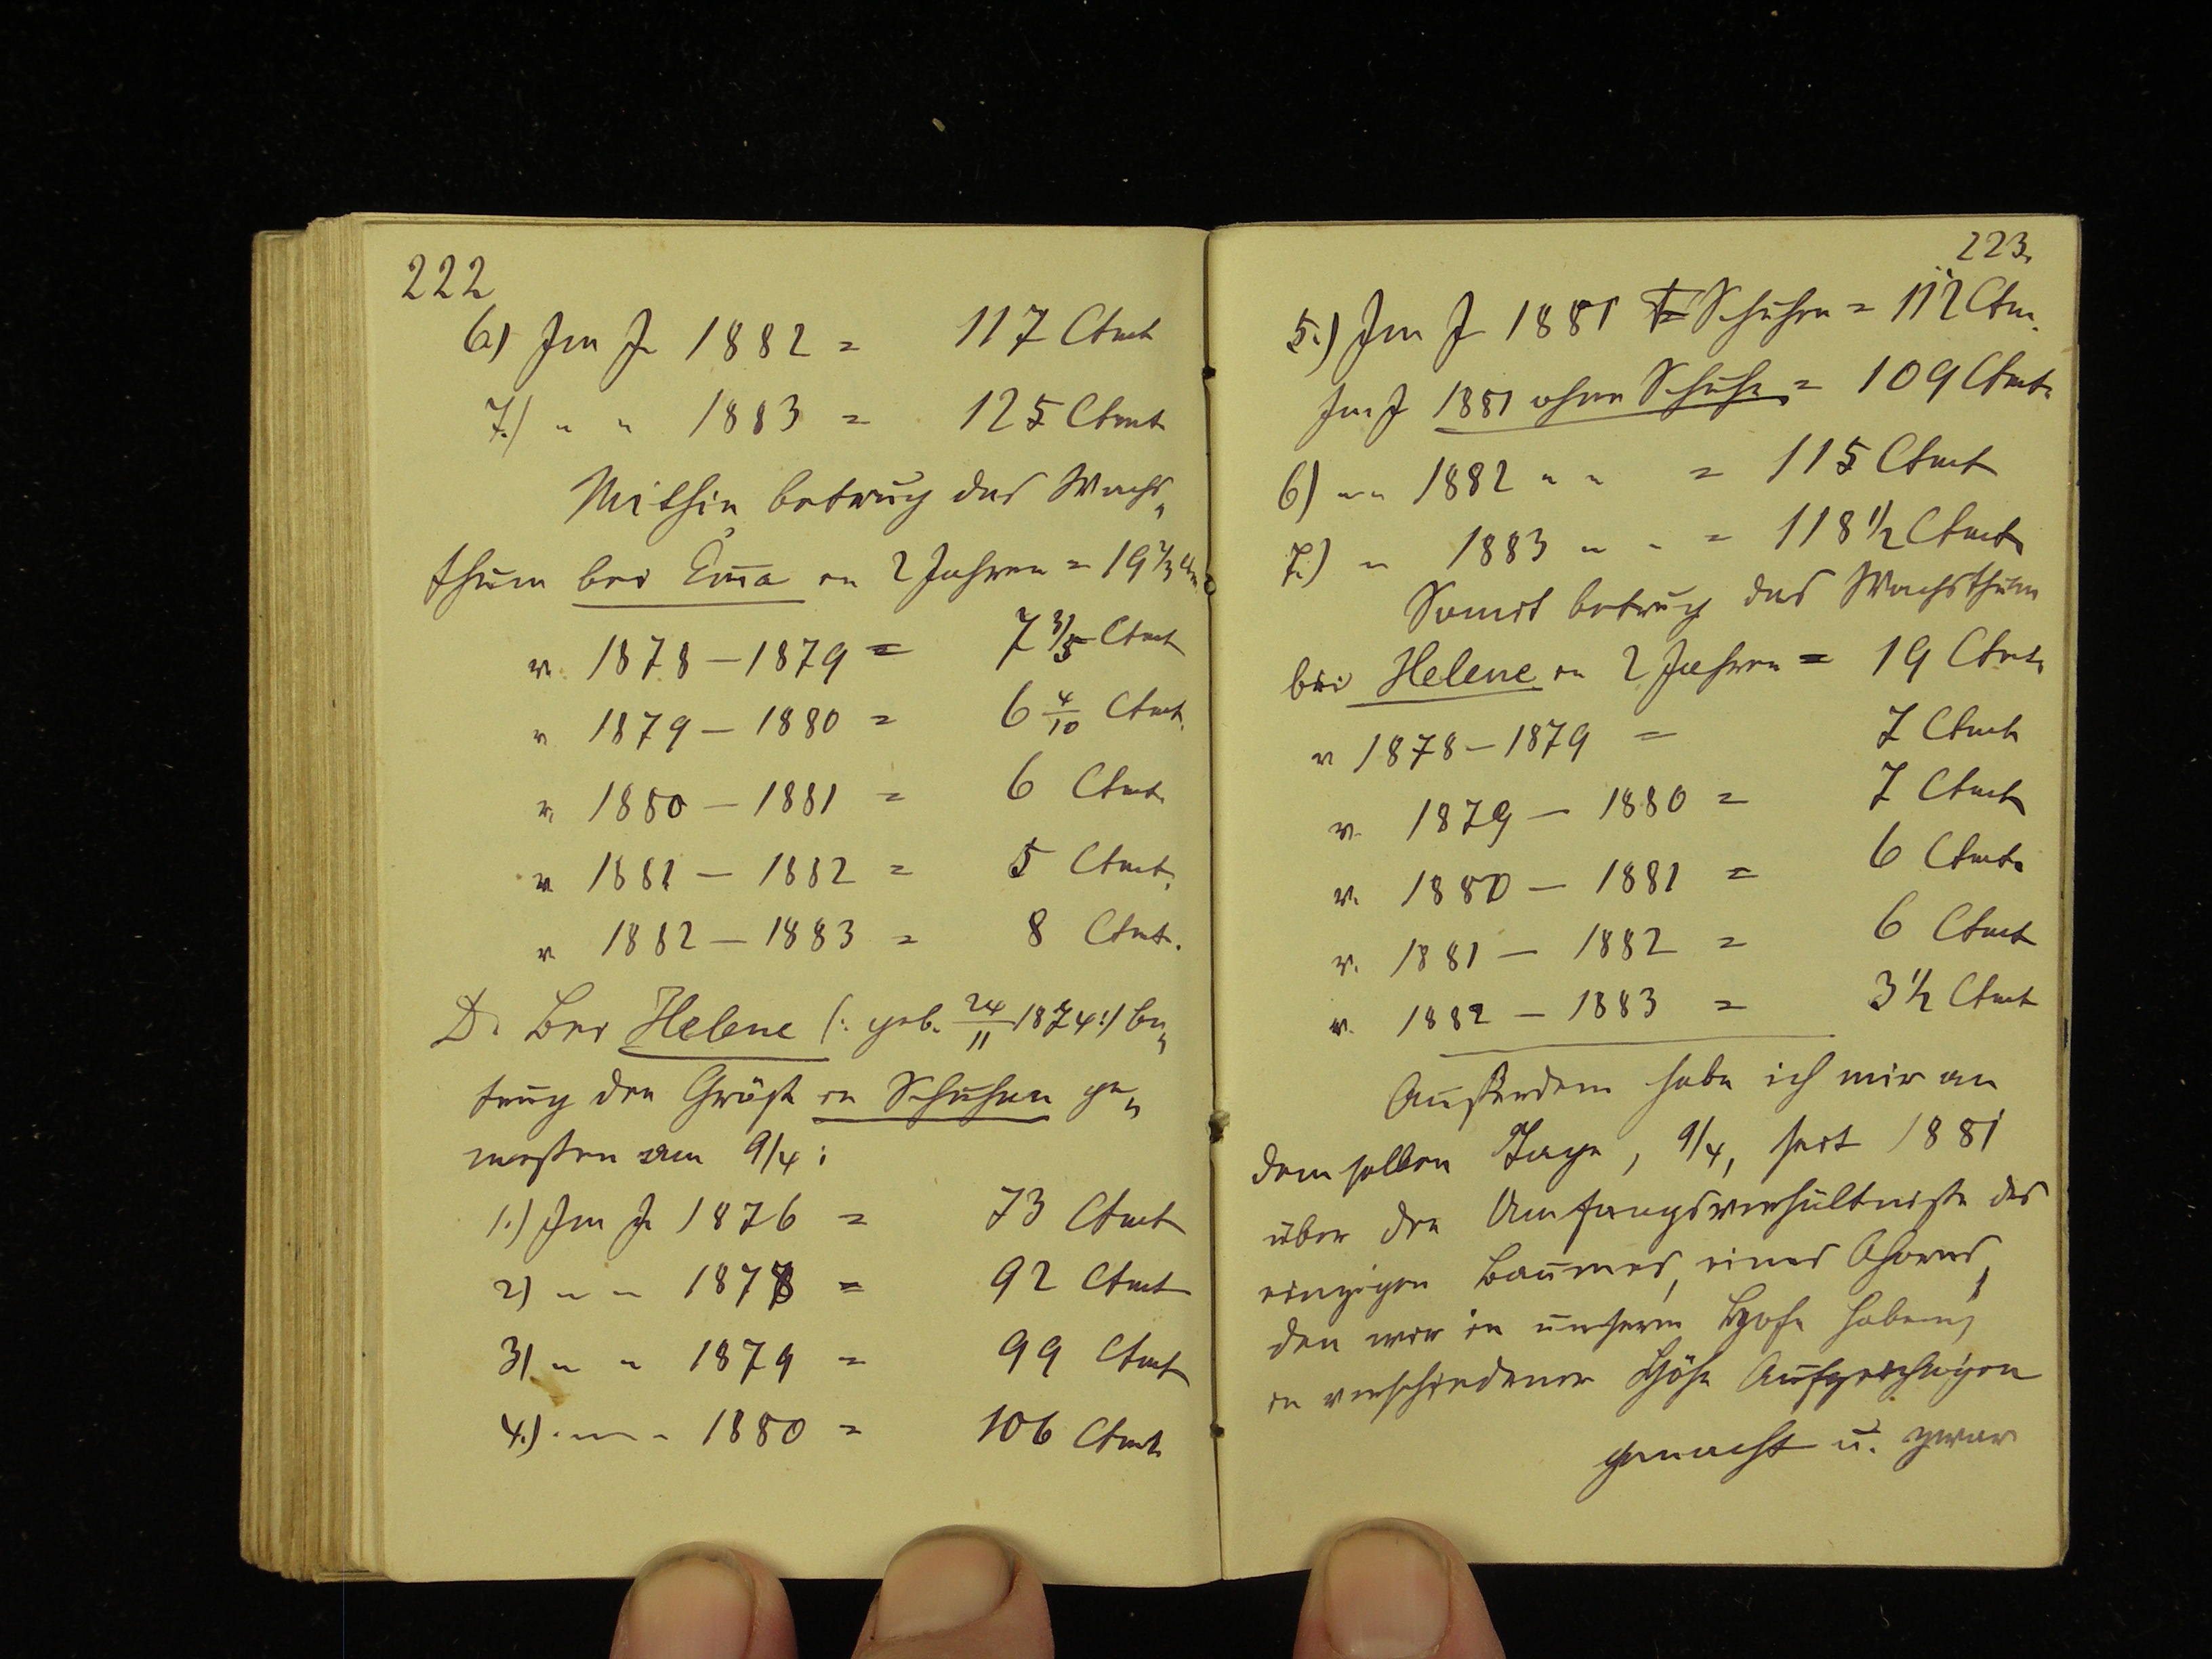222
6) 1882 = 117 ctmtr
7) 1883 = 125 cmtr
Mithin betrug das Wach¬
stum bei Emma in 2 Jahren 14 ¾ ctmtr
Von 1878-1879 = 7 3/5 cmtr
1879-1880 = 6 4/10 cmtr
1880-1881 = 6 cmtr
1881-1882 = 5 cmtr
1882-1883 = 8 cmtr
C) Bei Helene (: 24/11 1874 :) be¬
trug die Größe in Schuhen ge¬
meßen am 9/4
1) Im Jahre 1876 = 73 cmtr
2) 1878 = 92 cmtr
3) 1879 = 99 cmtr
4) 1880 = 106 cmtr
223
5) 1881 = mit Schuhen 112 cmtr
1881 = ohne Schuhe 109 cmtr
6) 1882 = 115 cmtr
7) 1883 = 118 ½ cmtr
Somit betrug das Wachstum
bei Helene in 2 Jahren = 19 cmtr
Von 1878-1879 = 7 cmtr
1879-1880 = 7 cmtr
1880-1881 = 6 cmtr
1881-1882 = 6 cmtr
1882-1993 = 3 ½ cmtr
Außerdem habe ich mir an
demselben Tage 9/4 seit 1881
über die Umfangsverhältniße des
einzigen Baumes, eines Ahorns,
den wir in unserem Hof haben
in verschiedener Höhe Aufzeichnungen
gemacht und zwar